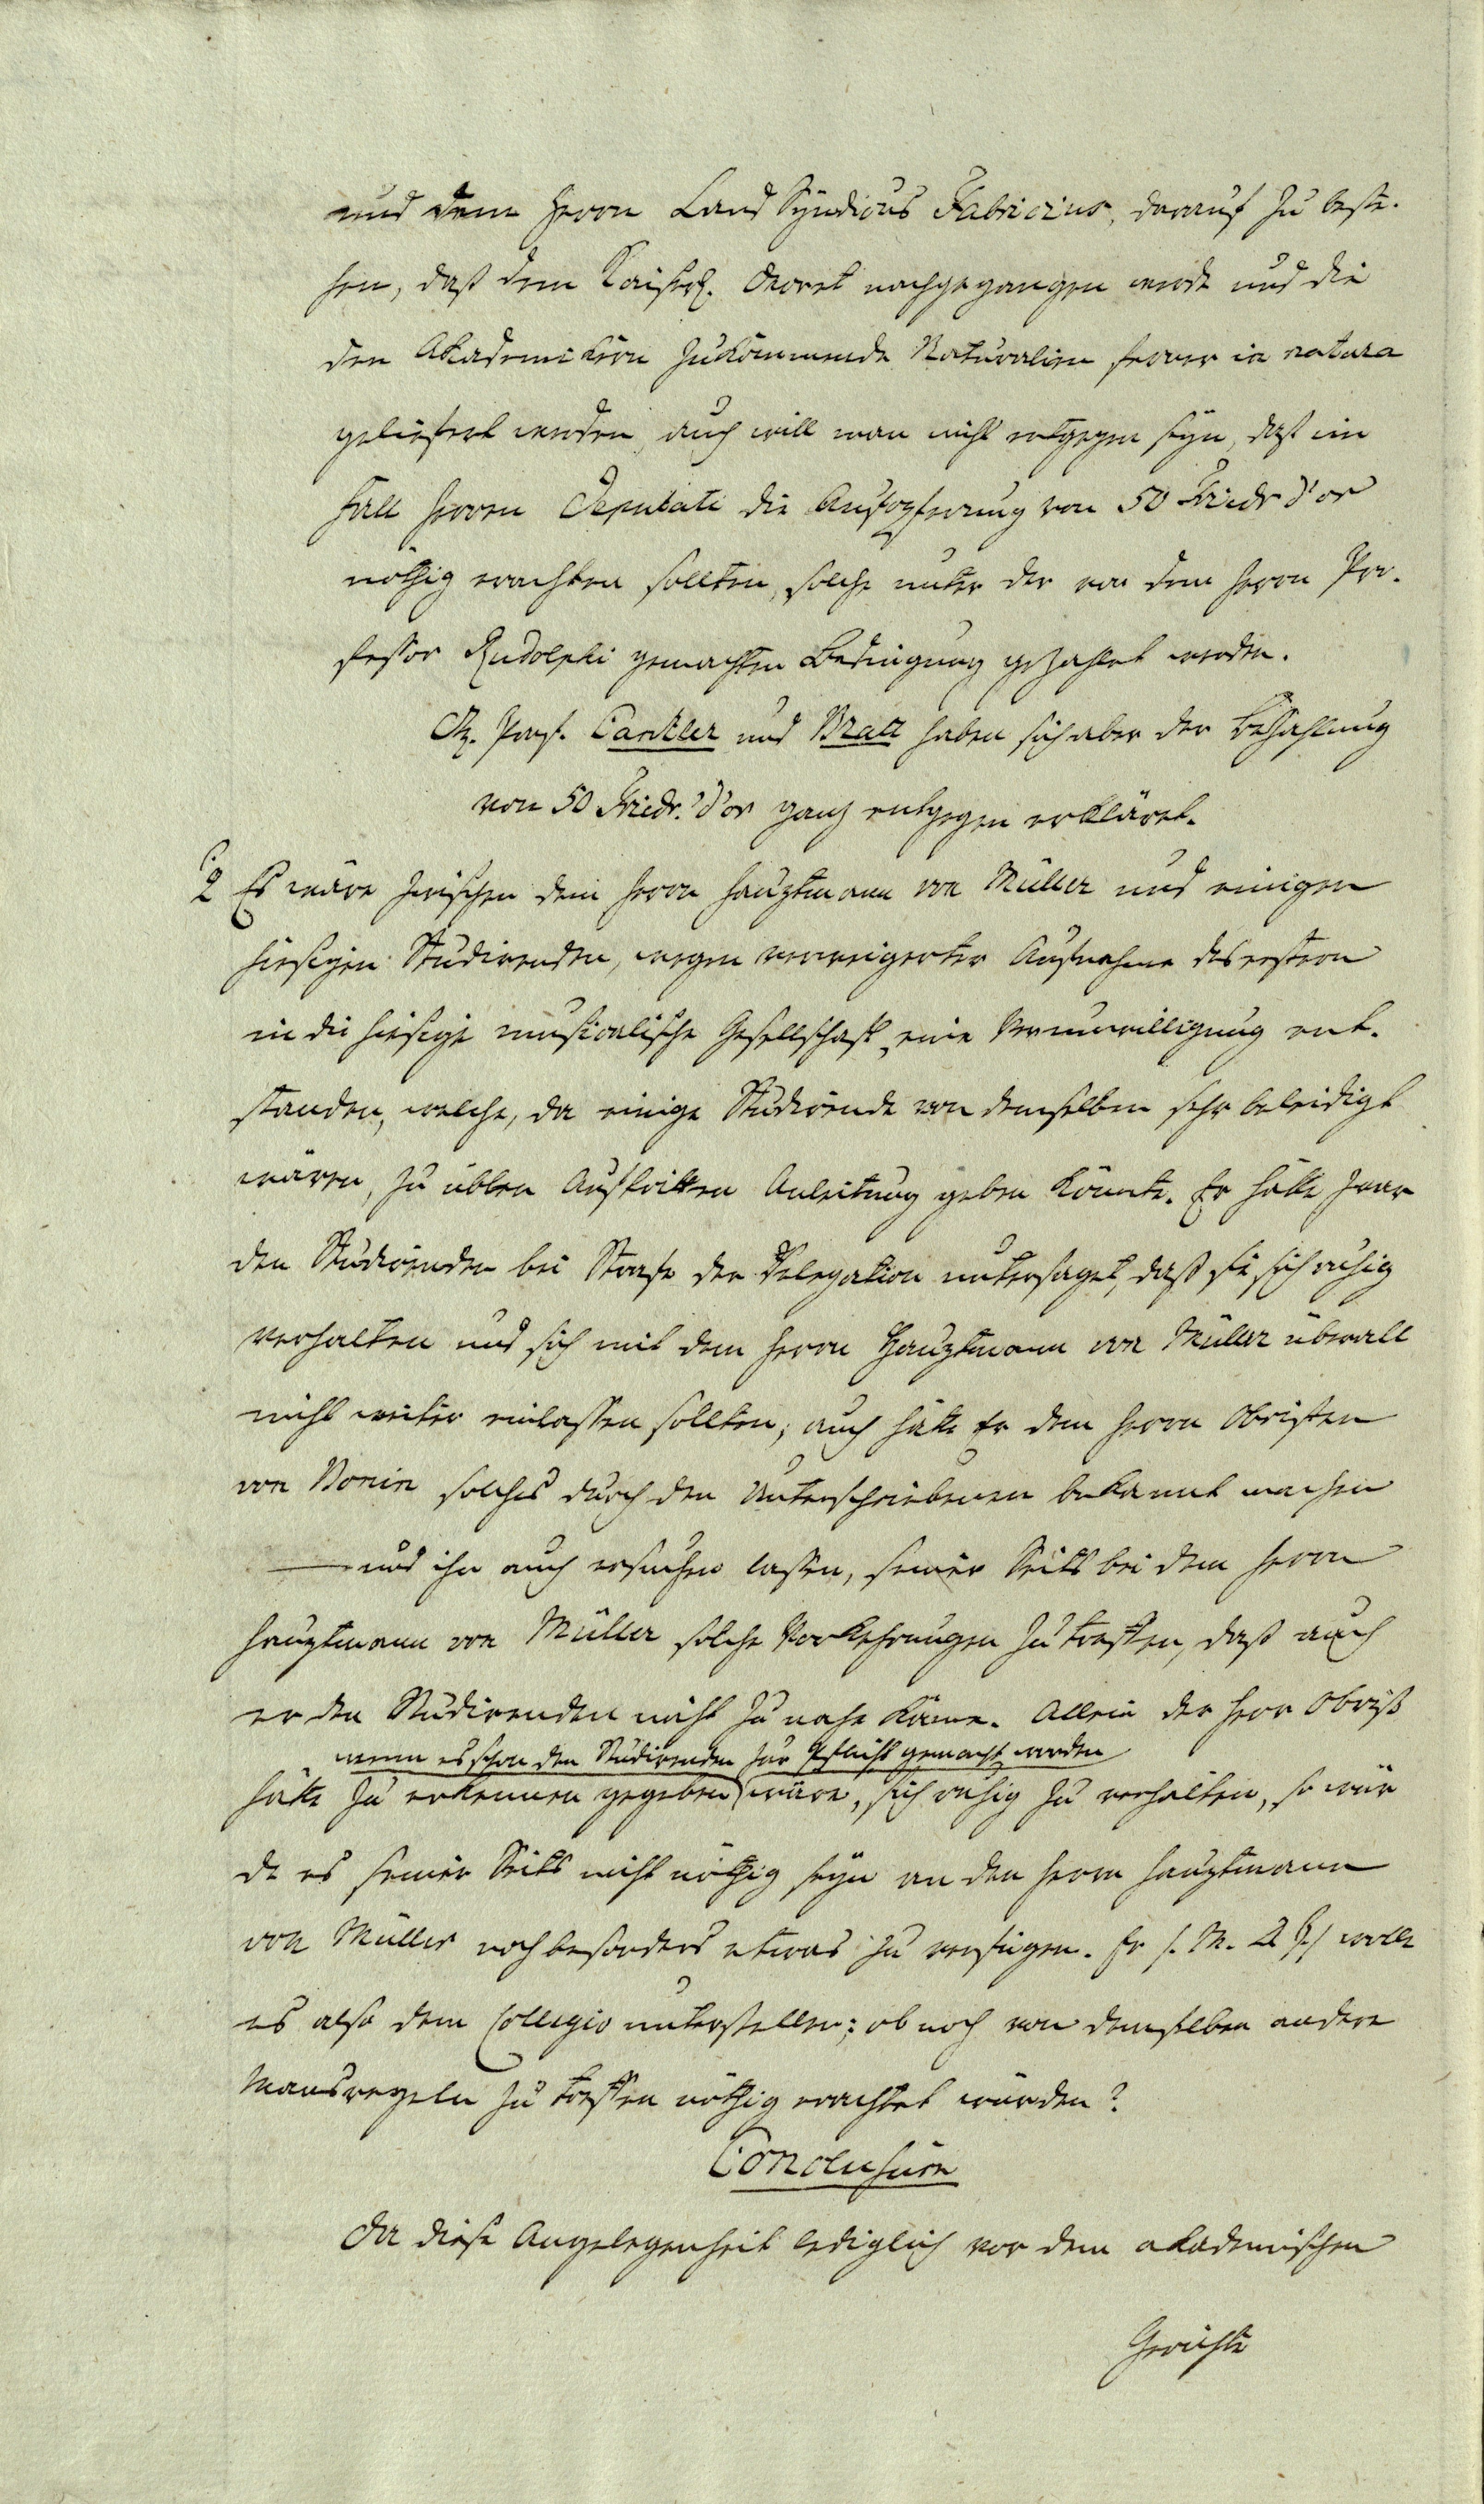und dem Herrn Land Sÿndicus Frabricius, darauf zu beste¬
hen, daß dem Kaiserl. Decret nachgegangen werde und die
den Akademikern zukommende Naturalien ferner in natura
geliefert werden auch will man nicht entgegen seÿn, daß im
Fall Herren Deputati die Aufopferung von 50 Friedr ď or
nöthig erachten sollten, solche unter der von dem Herrn Pro¬
fessor Rudolphi gemachten Bedingung gezahlet werden.
dh. Prof. Canzler und Bratt haben sich aber der Bezahlung
von 50 Friedr d' ganz entgegen erkläret.
2. Es wäre zwischen dem Herrn Hauptmann von Müller und einigen
hiesigen Studirenden, wegen verweigerter Aufnahme des erstern
in die hiesige musicalische Gesellschaft, eine Verunwilligung ent¬
standen, welche, da einige Studirende von demselben sehr beleidigt
wären, zu üblen Auftritten Anleitung geben könnte. Er hätte zwar
den Studirenden bei Strafe der Relegation untersaget, daß sie sich ruhig
verhalten und sich mit dem Herrn Hauptmann von Müller überall
nicht weiter einlassen sollten, auch hätte Er dem Herrn Obristen
von Bonin solches durch den Unterschriebenen bekannt machen
und ihn auch ersuchen lassen, seiner Seits bei dem Herrn
Hauptmann von Müller solche Vorkehrungen zu treffen, daß auch
er den Studirenden nicht zu nahe käme. Allein der Herr Obrist
wenn es schon den Studirenden zur Pflicht gemacht worden
hätte zu erkennen gegeben wäre, sich ruhig zu verhalten, so wär
da es seiner Seits nicht nöthig seÿn an den Herrn Hauptmann
von Müller noch besonders etwas zu verfügen. Er /. M. D. R./ wolle
es also dem Collegio unterstellen; ob noch von demselben andere
Maasregeln zu treffen nöthig erachtet würden?
Conclusum
Da diese Angelegenheit lediglich vor dem akademischen
Gerichte